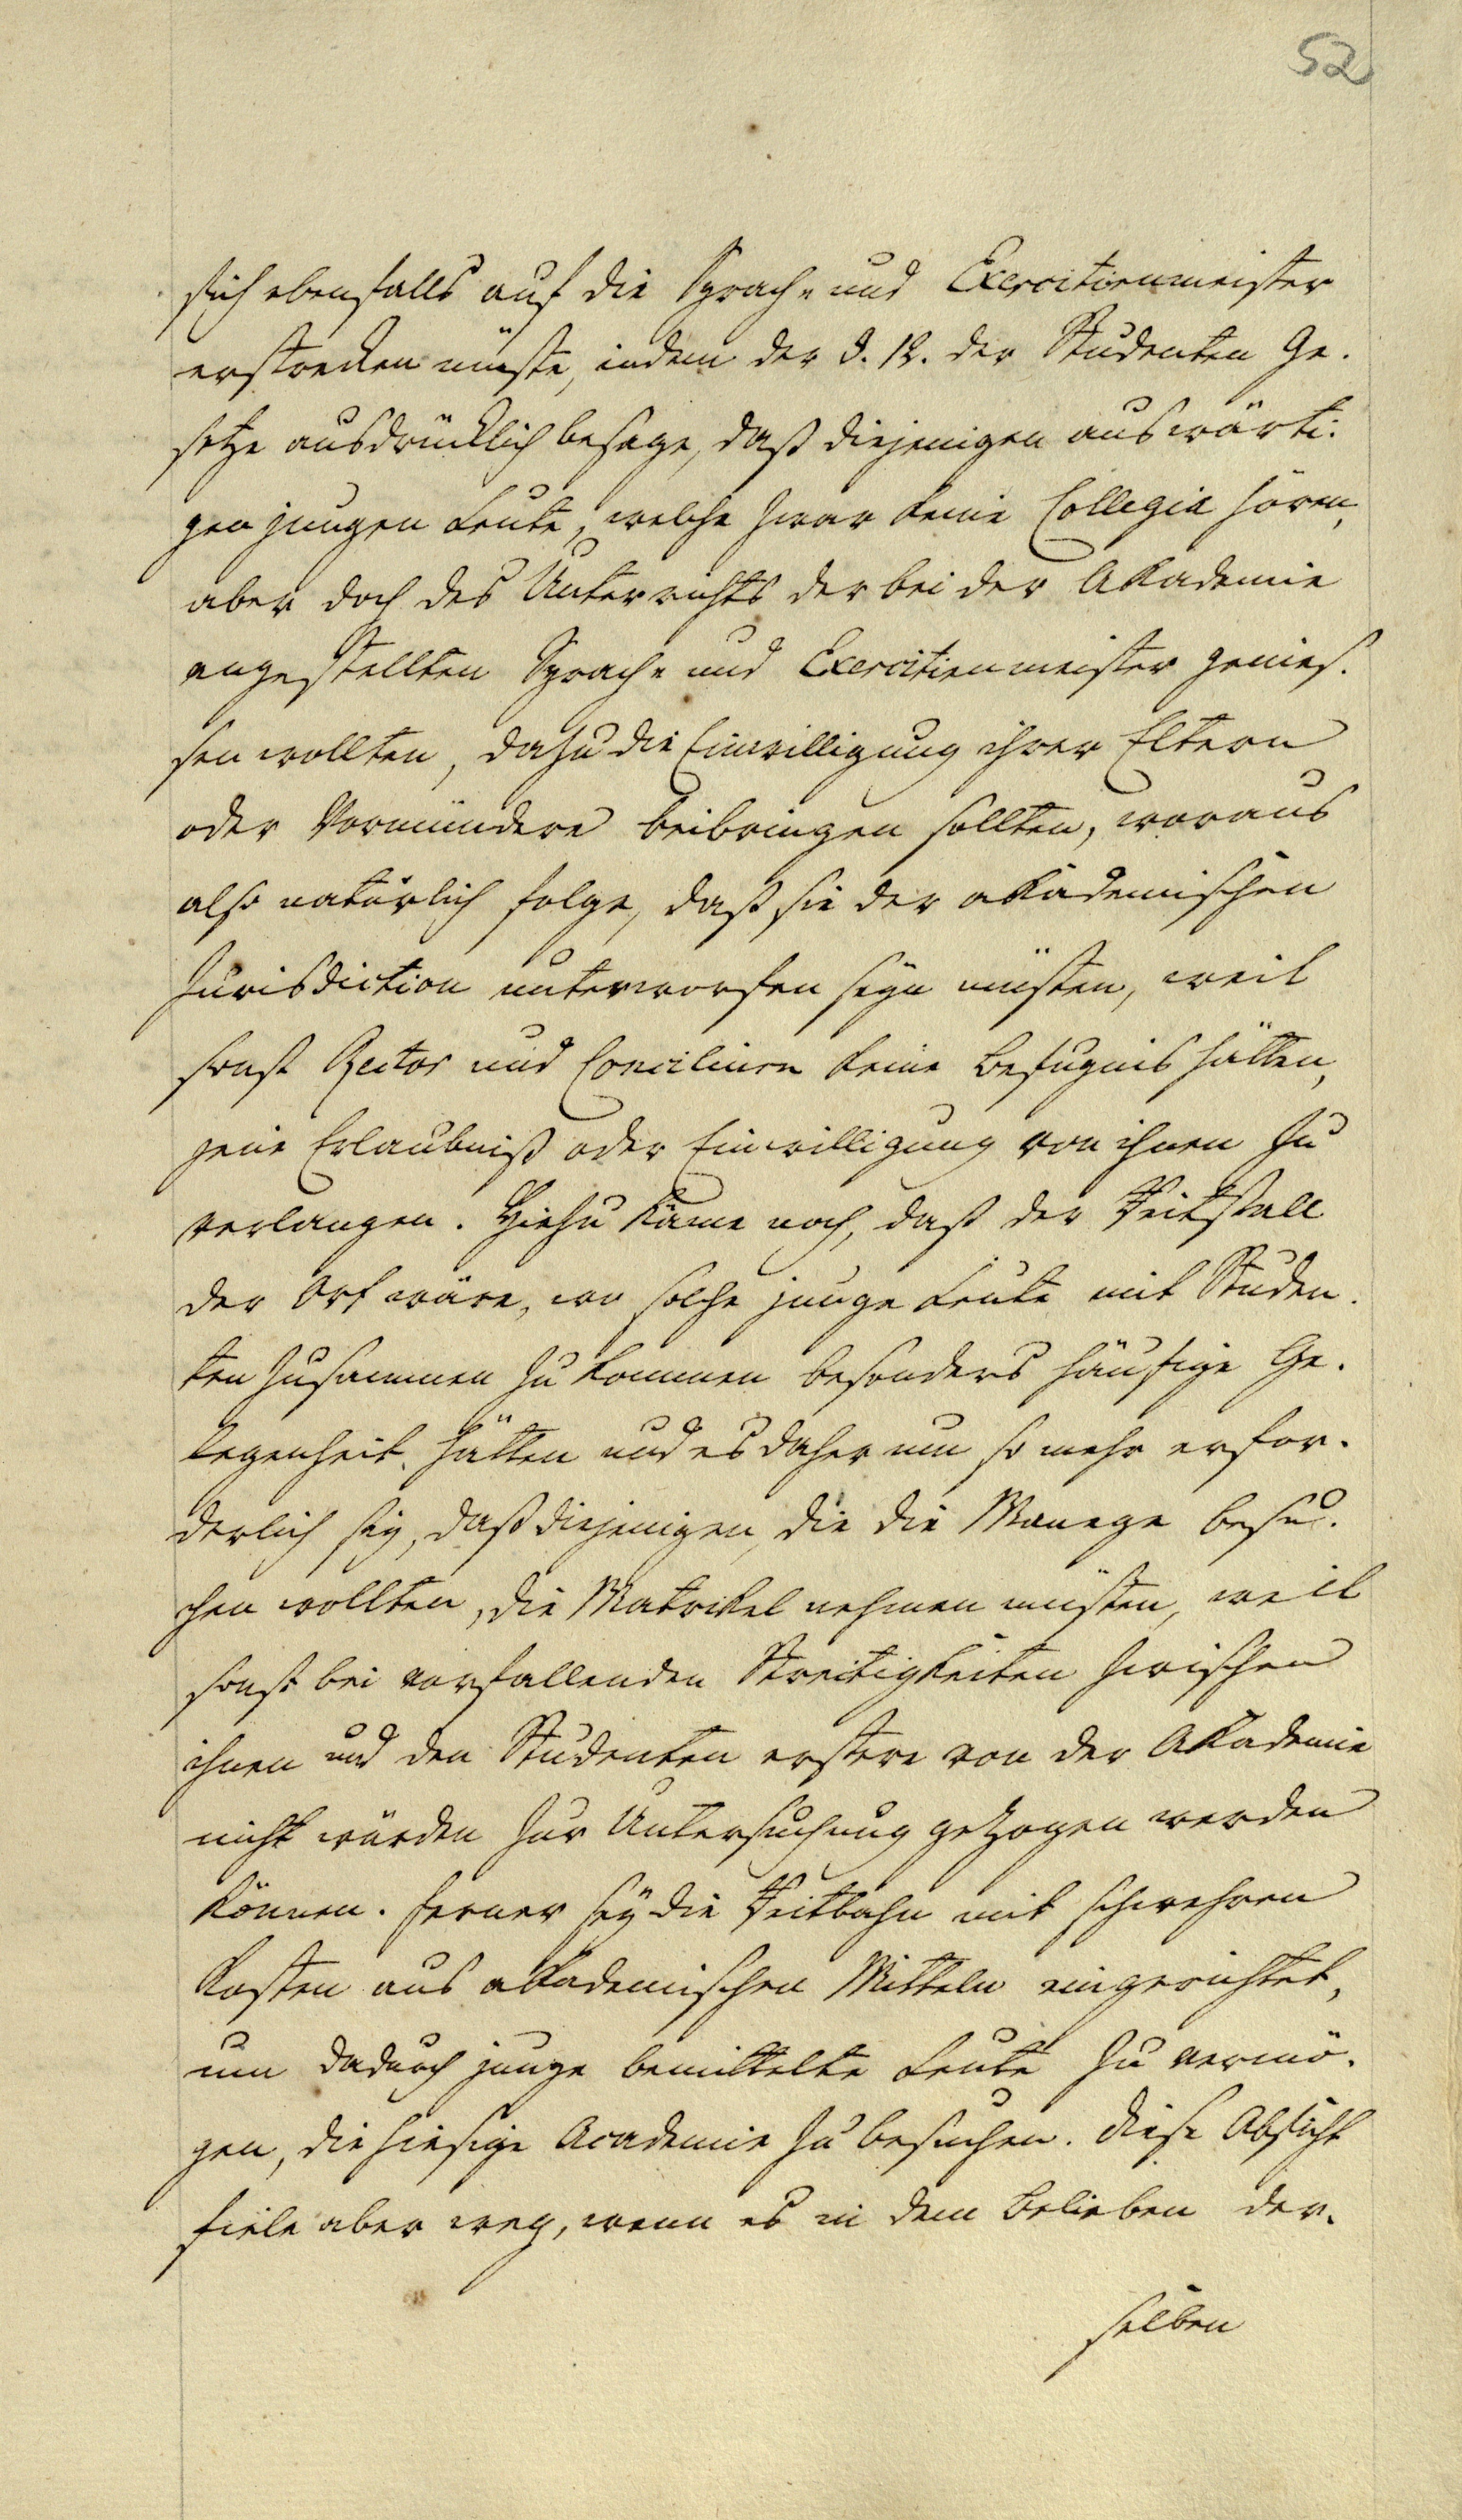sich ebenfalls auf die Sprach- und Exercitienmeister
erstrecken müßte, indem der §. 12. der Studenten Ge¬
setze ausdrücklich besage, daß diejenigen auswärti¬
gen jungen Leute, welche zwar keine Collegio hören,
aber doch des Unterrichts der bei der Akademie
angestellten Sprach- und Exercitienmeister genies¬
sen wollten, dazu die Einwilligung ihrer Eltern
oder Vormündern beibringen sollten, woraus
also natürlich folge, daß sie der akademischen
Jurisdiction unterworfen seÿn müßten, weil
sonst Rector und Concilium keine Befugnis hätten,
jene Erlaubnis oder Einwilligung von ihnen zu
verlangen. Hiezu käme noch, daß der Reitstall
der Ort wäre, wo solche junge Leute mit Studen¬
ten zusammen zu kommen besonders häufige Ge¬
legenheit hätten und es daher um so mehr erfor¬
derlich seÿ, daß diejenigen die die Manege besu¬
chen wollten, die Matrikel nehmen müßten, weil
sonst bei vorfallenden Streitigkeiten zwischen
ihnen und den Studenten erstere von der Akademie
nicht würden zur Untersuchung gezogen werden
können. Ferner seÿ die Reitbahn mit schwehren
Kosten aus akademischen Mitteln eingerichtet,
um dadurch junge bemittelte Leute zu vermö¬
gen, die hiesige Academie zu besuchen. Diese Absicht
fiele aber weg, wenn es in dem Belieben der¬
selben